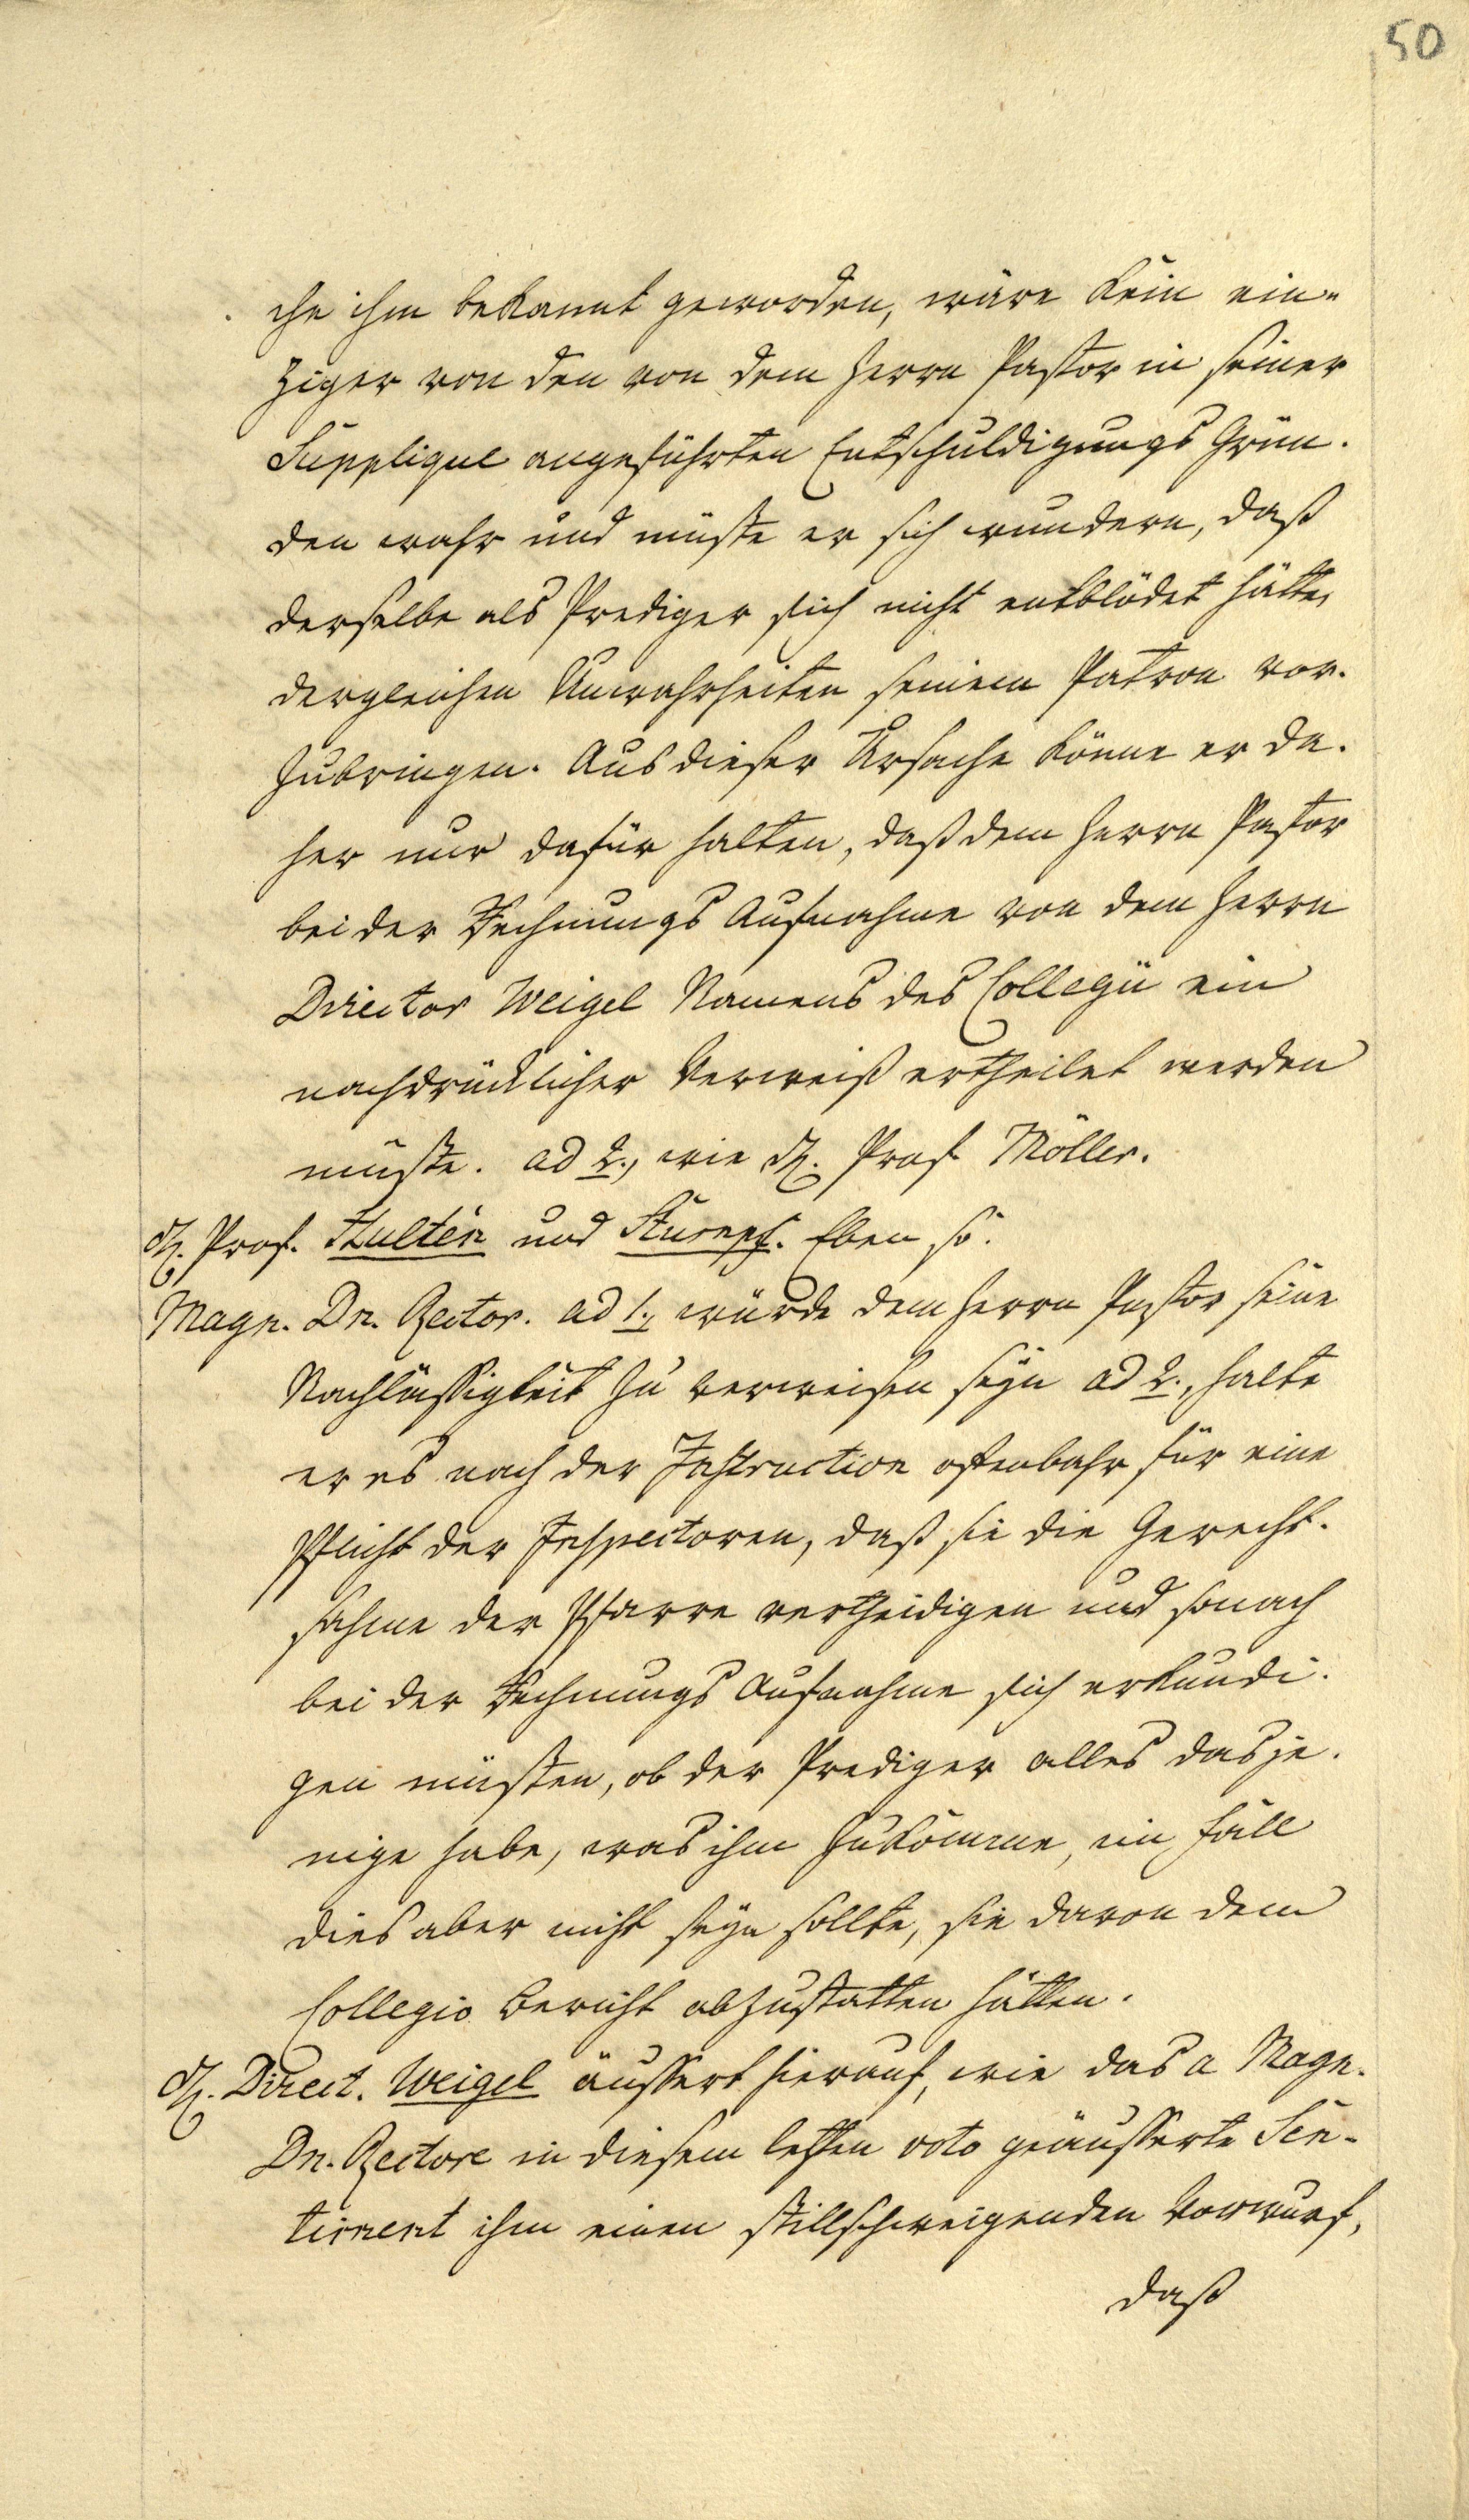che ihm bekannt geworden, wäre kein ein-
ziger von den von dem herrn Pastor in seiner
Supplique angeführten Entschuldigungs Grün-
den wahr und müßte er sich wundern, daß
derselbe als Prediger sich nicht entblödet hätte,
dergleichen Unwahrheiten seinem Patron vor-
zubringen. Aus dieser Ursache könne er da-
her nur dafür halten, daß dem herrn Pastor
bei der Rechnungs Aufnahme von dem herrn
Director Weigel Namens des Collegii ein
nachdrücklicher Verweis ertheilet werden
müßte. Ad 2., wie dh. Prof. Möller.
dh. Prof. Hultén und Stumpf. Eben so.
Magn. Dn. Rector. Ad 1., würde dem herrn Pastor seine
Nachlässigkeit zu verweisen seyn ad 2., halte
er es nach der Instruction offenbahr für eine
Pflicht der Inspectoren, daß sie die Gerecht-
sahme der Pfarre vertheidigen und sonach
bei der Rechnungs Aufnahme sich erkundi-
gen müßten, ob der Prediger alles dasje-
nige habe, was ihm zukomme, im Fall
dies aber nicht seyn sollte, sie davon dem
Collegio Bericht abzustatten hätten.
dh. Direct. Weigel äussert hierauf, wie das a Magn.
Dn. Rectore in diesem letzten voto geäusserte Sen-
timent ihm einen stillschweigenden Vorwurf,
daß